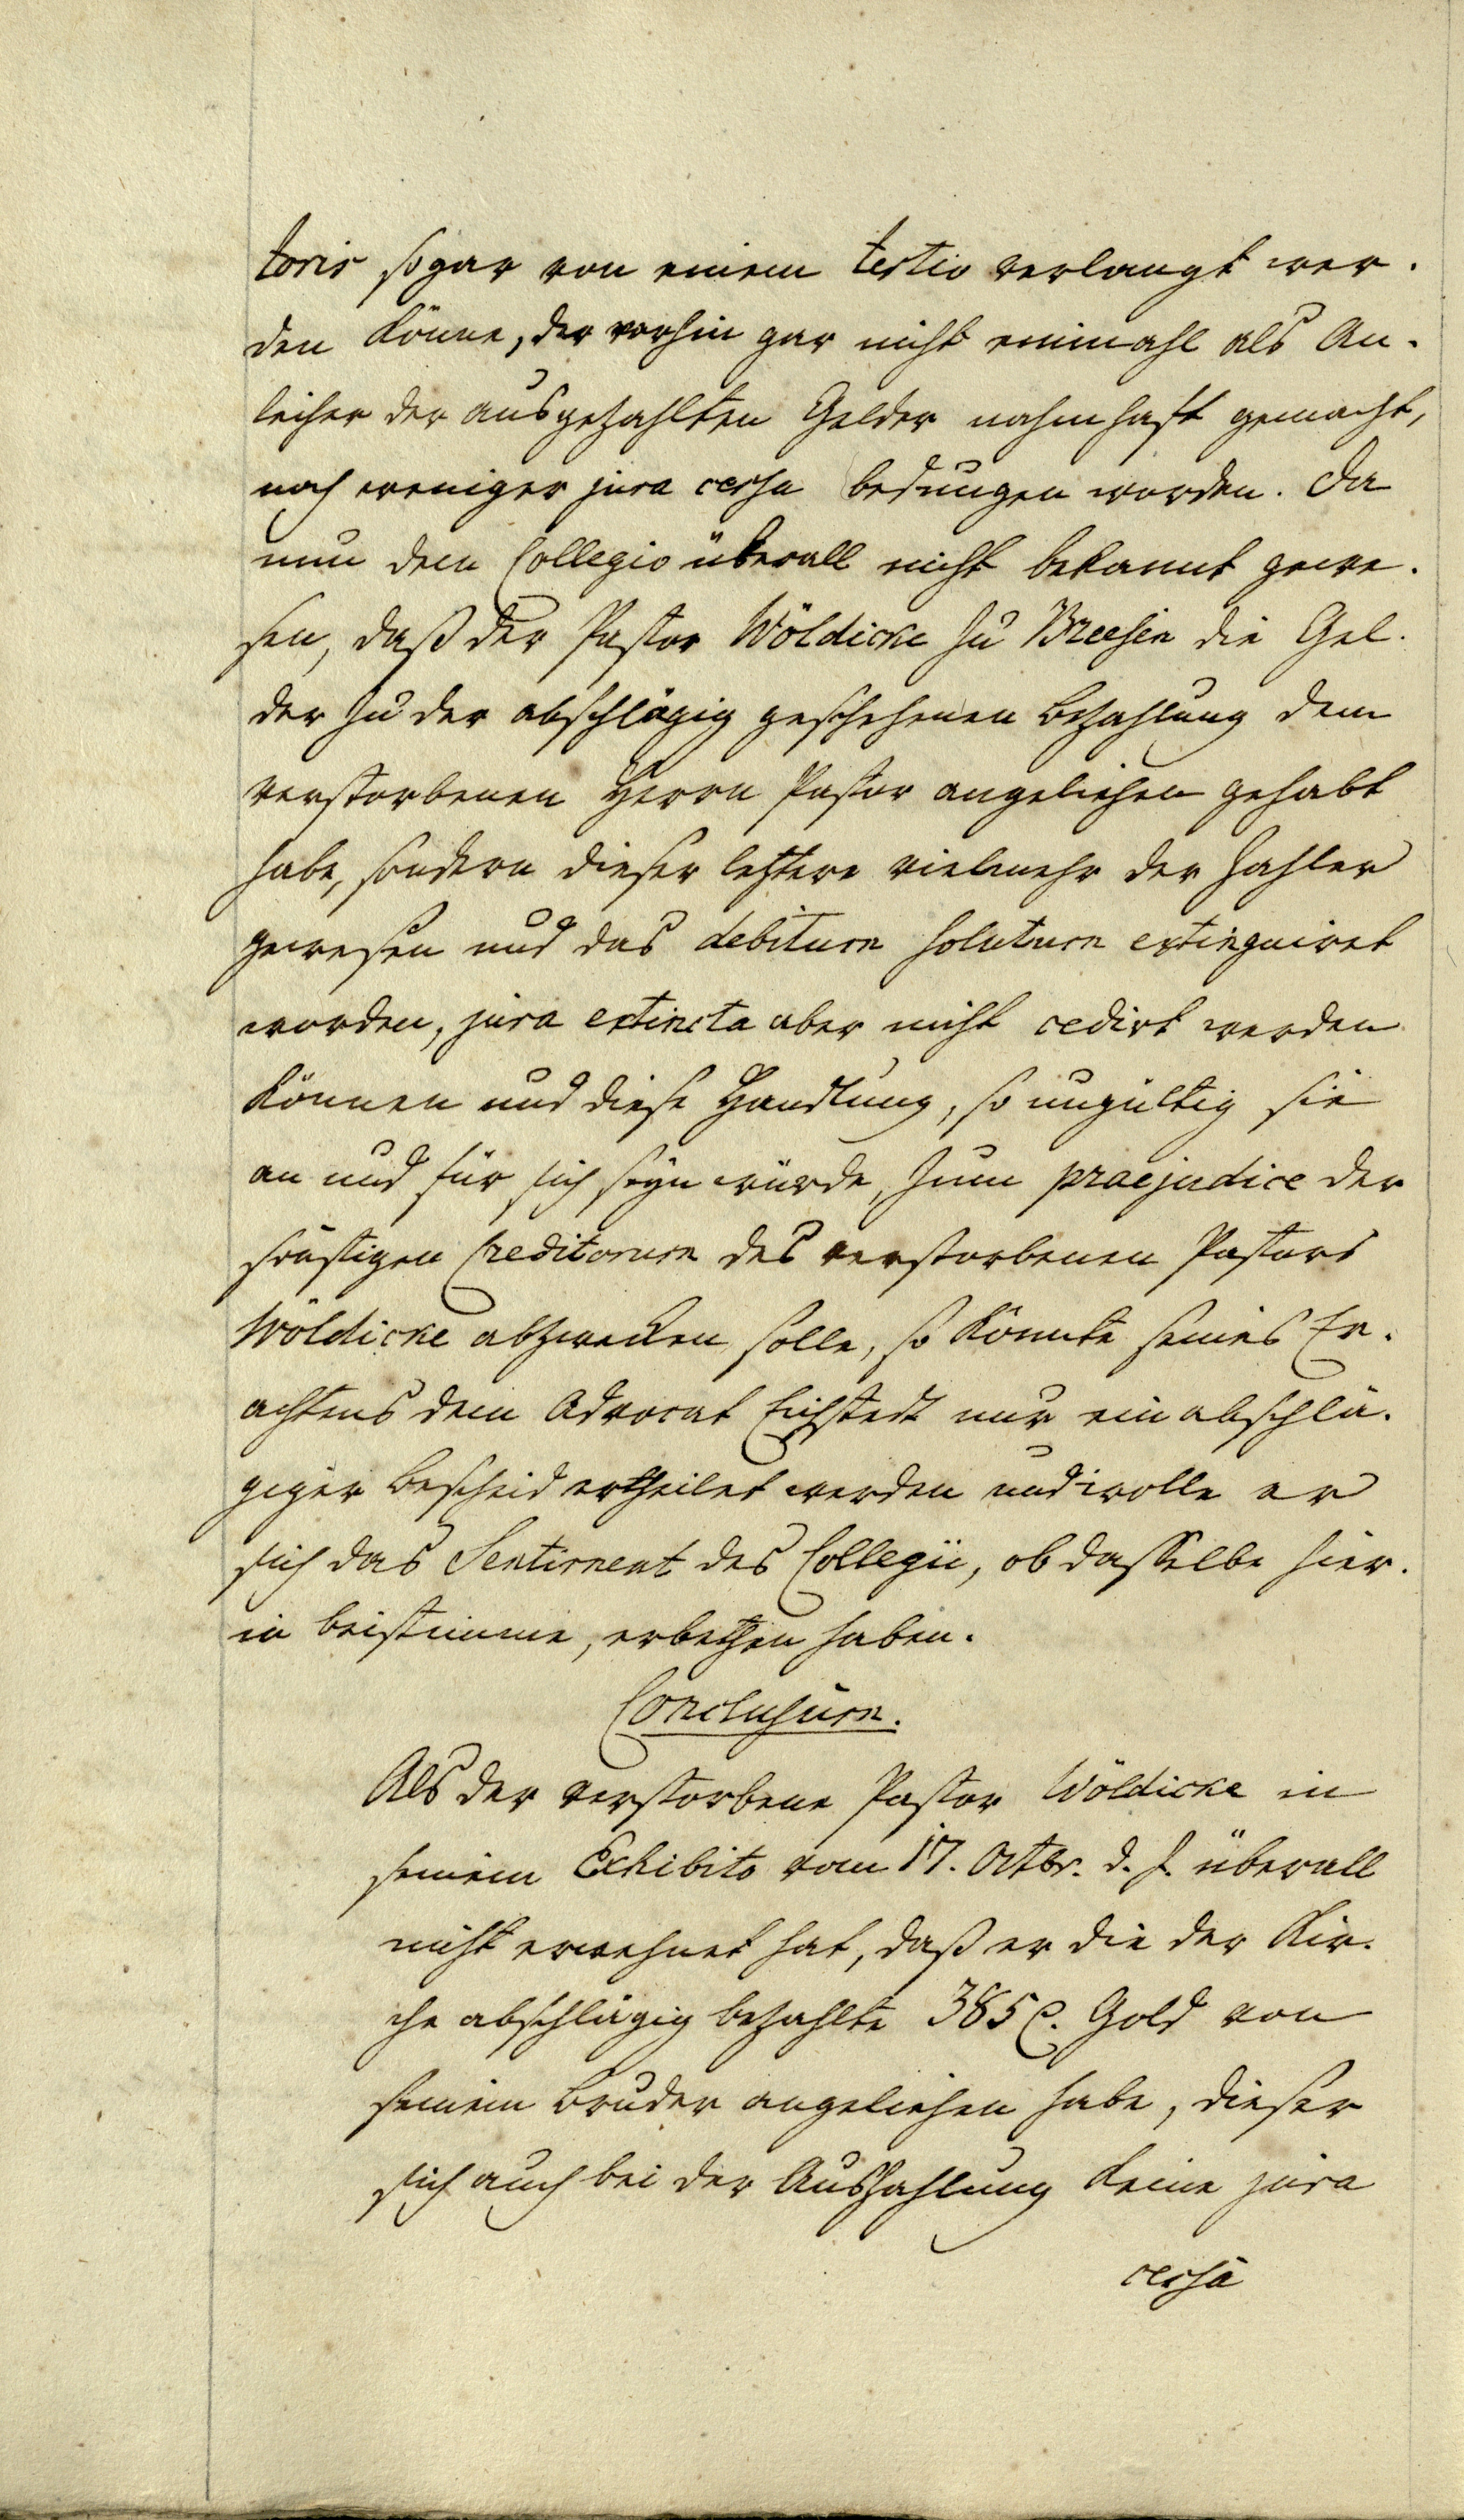toris sogar von einem tertio verlangt wer¬
den könne, der vorhin gar nicht einmahl als An¬
gleicher der ausgezahlten Gelder nahmhaft gemacht,
noch weniger jura cessa bedungen worden. Da
nun dem Collegio überall nicht bekannt gewe¬
sen, daß der Pastor Wöldicke zu Breesen die Gel¬
der zu der abschlägig geschehenen Bezahlung dem
verstorbenen Herrn Pastor angeliehen gehabt
habe, sondern dieser letztere vielmehr der Zahler
gewesen und das debitum solutum extinguiret
worden, jura extincta aber nicht cedirt werden
können und diese Handlung, so ungültig sie
an und für sich seÿn würde, zum praejudice der
sonstigen Creditorum des verstorbenen Pastors
Wöldicke abzwecken solle, so könnte seines Er¬
achtens dem Advocat Eichstedt nur ein abschlä¬
giger Bescheid ertheilet werden und wolle er
sich das Sentiment des Collegii, ob dasselbe hier¬
in beistimme, erbethen haben.
Conclusum.
Als der verstorbene Pastor Wöldicke in
seinem Exhibito vom 17. Octbr. d. J. überall
nicht erwehnet hat, daß er die der Kir¬
che abschlägig bezahlte 385 l. Gold von
seinem Bruder angeliehen habe, dieser
sich auch bei der Auszahlung keine jura
cessa